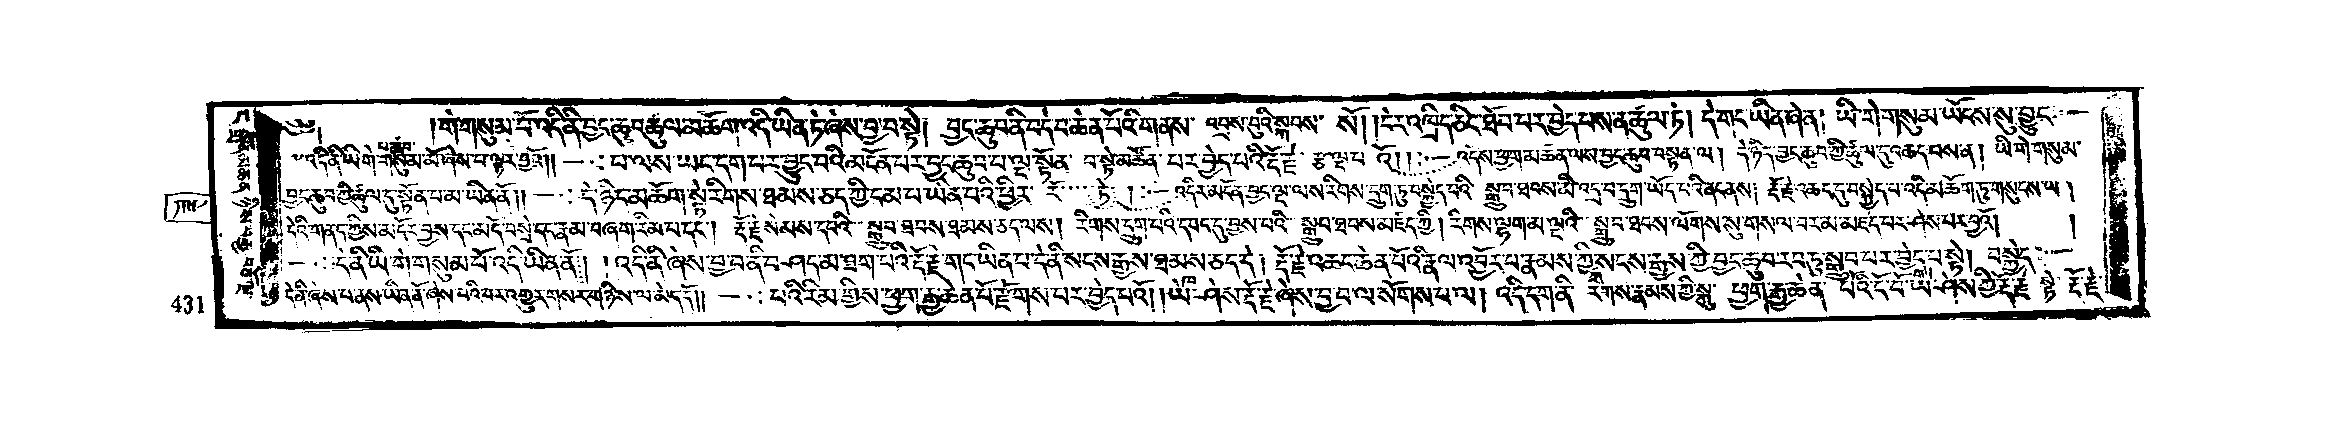༄༅། །གེ་གསུམ་པོ་འདི་ནི་བྱང་ཆུབ་ཚུལ་མཆོག་འདི་ཡིན་ཏེ་ཞེས་བྱ་བ་སྟེ། བྱང་ཆུབ་ནི་བདེ་བ་ཆེན་པོའི་གནས་འབྲས་བུའི་སྐབས་སོ། །དེར་འཁྲིད་ཅིང་ཐོབ་པར་བྱེད་པས་ན་ཚུལ་ཏེ། དེ་གང་ཡིན་ཞེ་ན། ཡི་གེ་གསུམ་ཡོངས་སུ་གྱུར་H.
༧འདི་ནི་ཡི་གེ་པ་ཚབ་གསུམ་མོ་ཞེས་པ་ལྟར་བྱའོ།།  .H པ་ལས་ཡང་དག་པར་བྱུང་བའི་མངོན་པར་བྱང་ཆུབ་པ་ལྔ་སྟོན་པ་སྟེ་མཚོན་པར་བྱེད་པའི་རྡོ་རྗེ་རྩ་ལྔ་པའོ། ། H.་འདིས་ཕྱག་མཚན་ལས་བྱང་ཆུབ་བསྟན་ལ། དེ་ཉིད་བྱང་ཆུབ་ཀྱི་ཚུལ་དུ་འཆད་པས་ན། ཡི་གེ་གསུམ་
བྱང་ཆུབ་ཀྱི་ཚུལ་དུ་སྟོན་པ་མ་ཡིན་ནོ།། .H དེ་ཉིད་མཆོག་སྟེ་རིགས་ཐམས་ཅད་ཀྱི་དམ་པ་ཡིན་པའི་ཕྱིར་རོ་ཏེ། H.་འདིར་མངོན་བྱང་ལྔ་ལས་རིགས་དྲུག་ཏུ་བསྐྱེད་པའི་སྒྲུབ་ཐབས་མི་འདྲ་བ་དྲུག་ཡོད་པའི་ནང་ནས། རྡོ་རྗེ་འཆང་དུ་བསྐྱེད་པ་འདི་མཆོག་ཏུ་གསུངས་ལ།
དེའི་གནད་ཀྱིས་མདོར་བྱས་དང་མདོ་བསྲེ་དང་རྣམ་བཞག་རིམ་པ་དང་། རྡོ་རྗེ་སེམས་དཔའི་སྒྲུབ་ཐབས་ཐམས་ཅད་ལས། རིགས་དྲུག་པའི་དབང་དུ་བྱས་པའི་སྒྲུབ་ཐབས་མཛད་ཀྱི། རིགས་ལྷག་མ་ལྔའི་སྒྲུབ་ཐབས་ལོགས་སུ་གསལ་བར་མ་མཛད་པར་ཤེས་པར་བྱའོ། །
.H དེ་ནི་ཡི་གེ་གསུམ་པ་འདི་ཡིན་ནོ། །འདི་ནི་ཞེས་བྱ་བ་ནི་བཤད་མ་ཐག་པའི་རྡོ་རྗེ་གང་ཡིན་པ་དེ་ནི་སངས་རྒྱས་ཐམས་ཅད་དེ། རྡོ་རྗེ་འཆང་ཆེན་པོའི་རྣལ་འབྱོར་པ་རྣམས་ཀྱི་སངས་རྒྱས་ཀྱི་བྱང་ཆུབ་རབ་ཏུ་སྒྲུབ་པར་བྱེད་པ་སྟེ། བསྐྱེད་H.
དེ་ནི་ཞེས་པ་ནས་ཡིན་ནོ་ཞེས་པའི་བར་འགྱུར་གསར་གཉིས་ལ་མེད་དོ།།  .H པའི་རིམ་གྱིས་ཕྱག་རྒྱ་ཆེན་པོ་རྫོགས་པར་བྱེད་པའོ། ། ཁ་ཡེ་ཤེས་རྡོ་རྗེ་ཞེས་བྱ་བ་ལ་སོགས་པ་ལ། འདི་དག་ནི་ཀ་རིགས་རྣམས་ཀྱི་སྐུ་ཕྱག་རྒྱ་ཆེན་པོའི་ངོ་བོ་ག་ཡེ་ཤེས་ཀྱི་རྡོ་རྗེ་སྟེ་རྡོ་རྗེ་